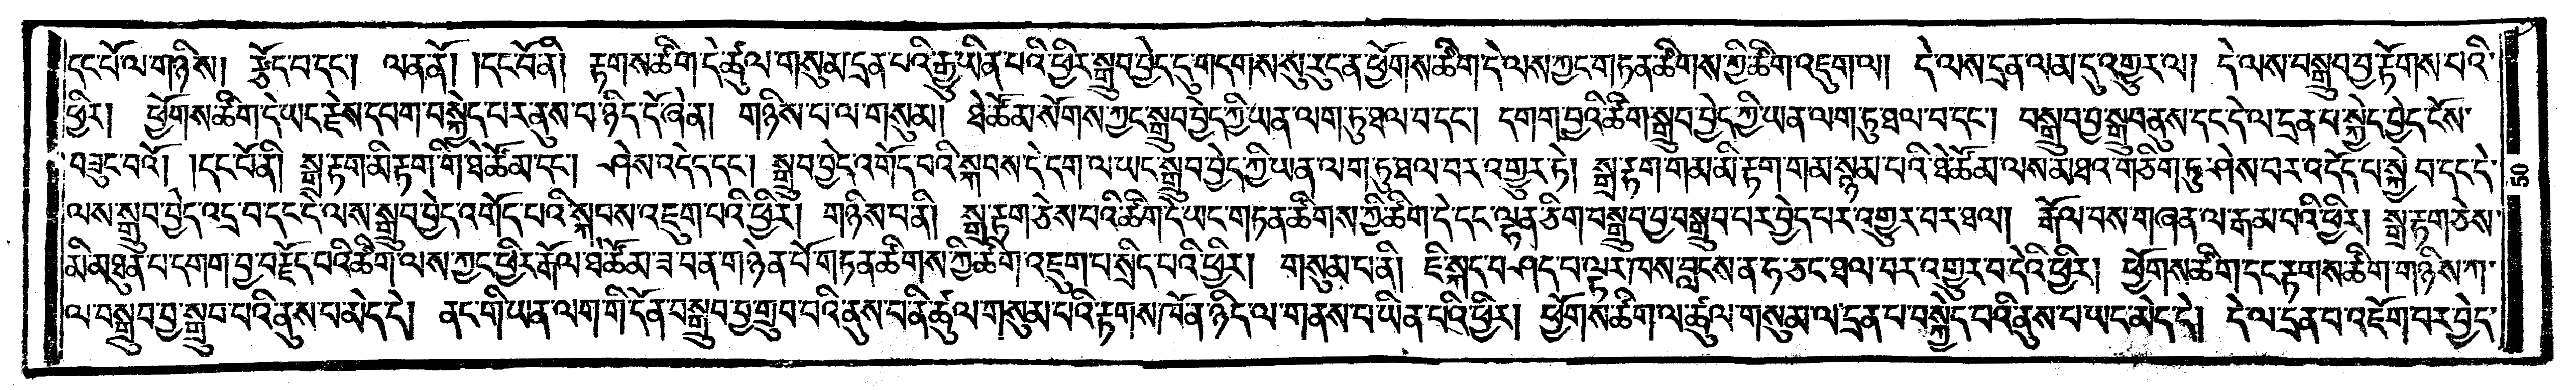དང་པོ་ལ་གཉིས། རྩོད་བ་དང་། ལན་ནོ། །དང་བོ་ནི། རྟགས་ཚིག་དེ་ཚུལ་གསུམ་དྲན་པའི་རྒྱུ་ཡིན་པའི་ཕྱིར་སྒྲུབ་བྱེད་དུ་གདགས་སུ་རུང་ན་ཕྱོགས་ཚིག་དེ་ལས་ཀྱང་གཏན་ཚིགས་ཀྱི་ཚིག་འཇུག་ལ། དེ་ལས་དྲན་ལམ་དུ་འགྱུར་ལ། དེ་ལས་བསྒྲུབ་བྱ་རྟོགས་པའི་
ཕྱིར། ཕྱོགས་ཚིག་དེ་ཡང་རྗེས་དཔག་བསྐྱེད་པར་ནུས་པ་ཉིད་དོ་ཞེ་ན། གཉིས་པ་ལ་གསུམ། ཐེ་ཚོམ་སོགས་ཀྱང་སྒྲུབ་བྱེད་ཀྱི་ཡན་ལག་ཏུ་ཐལ་བ་དང་། དགག་བྱའི་ཚིག་སྒྲུབ་བྱེད་ཀྱི་ཡན་ལག་ཏུ་ཐལ་བ་དང་། བསྒྲུབ་བྱ་སྒྲུབ་ནུས་དང་དེ་ལ་དྲན་པ་སྐྱེད་བྱེད་ངོས་
བཟུང་བའོ། །དང་པོ་ནི། སྒྲ་རྟག་མི་རྟག་གི་ཐེ་ཚོམ་དང་། ཤེས་འདེད་དང་། སྒྲུབ་བྱེད་འགོད་བའི་སྐབས་དེ་དག་ལ་ཡང་སྒྲུབ་བྱེད་ཀྱི་ཡན་ལག་ཏུ་ཐལ་བར་འགྱུར་ཏེ། སྒྲ་རྟག་གམ་མི་རྟག་གམ་སྙམ་པའི་ཐེ་ཚོམ་ལས་མཐའ་གཅིག་ཏུ་ཤེས་བར་འདོད་པ་སྐྱེ་བ་དང་དེ་
ལས་སྒྲུབ་བྱེད་འདྲ་བ་དང་དེ་ལས་སྒྲུབ་བྱེད་འགོད་པའི་སྐབས་འཇུག་པའི་ཕྱིར། གཉིས་པ་ནི། སྒྲ་རྟག་ཅེས་པའི་ཚིག་དེ་ཡང་གཏན་ཚིགས་ཀྱི་ཚིག་དེ་དང་ལྷན་ཅིག་བསྒྲུབ་བྱ་བསྒྲུབ་པར་བྱེད་པར་འགྱུར་བར་ཐལ། རྒོལ་བས་གཞན་ལ་རྒམ་པའི་ཕྱིར། སྒྲ་རྟག་ཅེས་
མི་མཐུན་པ་དགག་བྱ་བརྗོད་པའི་ཚིག་ལས་ཀྱང་ཕྱིར་རྒོལ་ཐེ་ཚོམ་ཟ་བ་ན་གཉེན་པོ་གཏན་ཚིགས་ཀྱི་ཚིག་འཇུག་པ་སྲིད་པའི་ཕྱིར། གསུམ་པ་ནི། ཇི་སྐད་བཤད་པ་ལྟར་ཁས་བླངས་ན་ཧ་ཅང་ཐལ་བར་འགྱུར་བ་དེའི་ཕྱིར། ཕྱོགས་ཚིག་དང་རྟགས་ཚིག་གཉིས་ཀ་
ལ་བསྒྲུབ་བྱ་སྒྲུབ་པའི་ནུས་པ་མེད་དེ། ནང་གི་ཡན་ལག་གི་དོན་བསྒྲུབ་བྱ་གྲུབ་པའི་ནུས་པ་ནི་ཚུལ་གསུམ་པའི་རྟགས་ཁོ་ན་ཉིད་ལ་གནས་པ་ཡིན་པའི་ཕྱིར། ཕྱོགས་ཚིག་ལ་ཚུལ་གསུམ་ལ་དྲན་པ་བསྐྱེད་པའི་ནུས་པ་ཡང་མེད་དེ། དེ་ལ་དྲན་པ་འཇོག་བར་བྱེད་